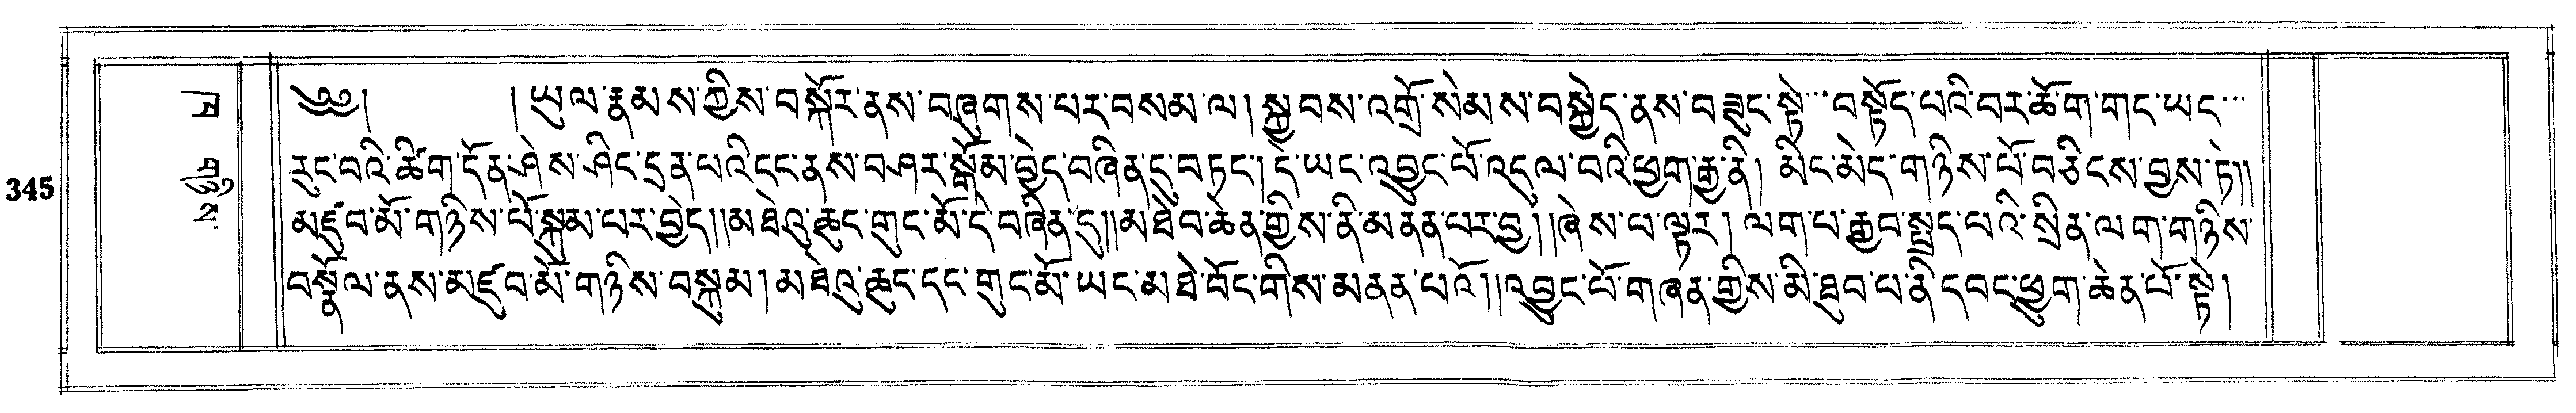༄༅། །ཡུལ་རྣམས་ཀྱིས་བསྐོར་ནས་བཞུགས་པར་བསམ་ལ། སྐྱབས་འགྲོ་སེམས་བསྐྱེད་ནས་བཟུང་སྟེ་བསྟོད་པའི་བར་ཆོ་ག་གང་ཡང་རུང་བའི་ཚིག་དོན་ཤེས་ཤིང་དྲན་པའི་ངང་ནས་བཤར་སྒོམ་བྱེད་བཞིན་དུ་བཏང་། དེ་ཡང་འབྱུང་པོ་འདུལ་བའི་ཕྱག་རྒྱ་ནི། མིང་མེད་གཉིས་པོ་བཅིངས་བྱས་ཏེ།།
མཛུབ་མོ་གཉིས་པོ་སྐུམ་པར་བྱེད། །མཐེའུ་ཆུང་གུང་མོ་དེ་བཞིན་དུ། །མཐེབ་ཆེན་གྱིས་ནི་མནན་པར་བྱ། །ཞེས་པ་ལྟར། ལག་པ་རྒྱབ་སྤྲད་པའི་སྲིན་ལག་གཉིས་
བསྣོལ་ནས་མཛུབ་མོ་གཉིས་བསྐུམ། མཐེའུ་ཆུང་དང་གུང་མོ་ཡང་མཐེ་བོང་གིས་མནན་པའོ། །འབྱུང་པོ་གཞན་གྱིས་མི་ཐུབ་པ་ནི་དབང་ཕྱུག་ཆེན་པོ་སྟེ།